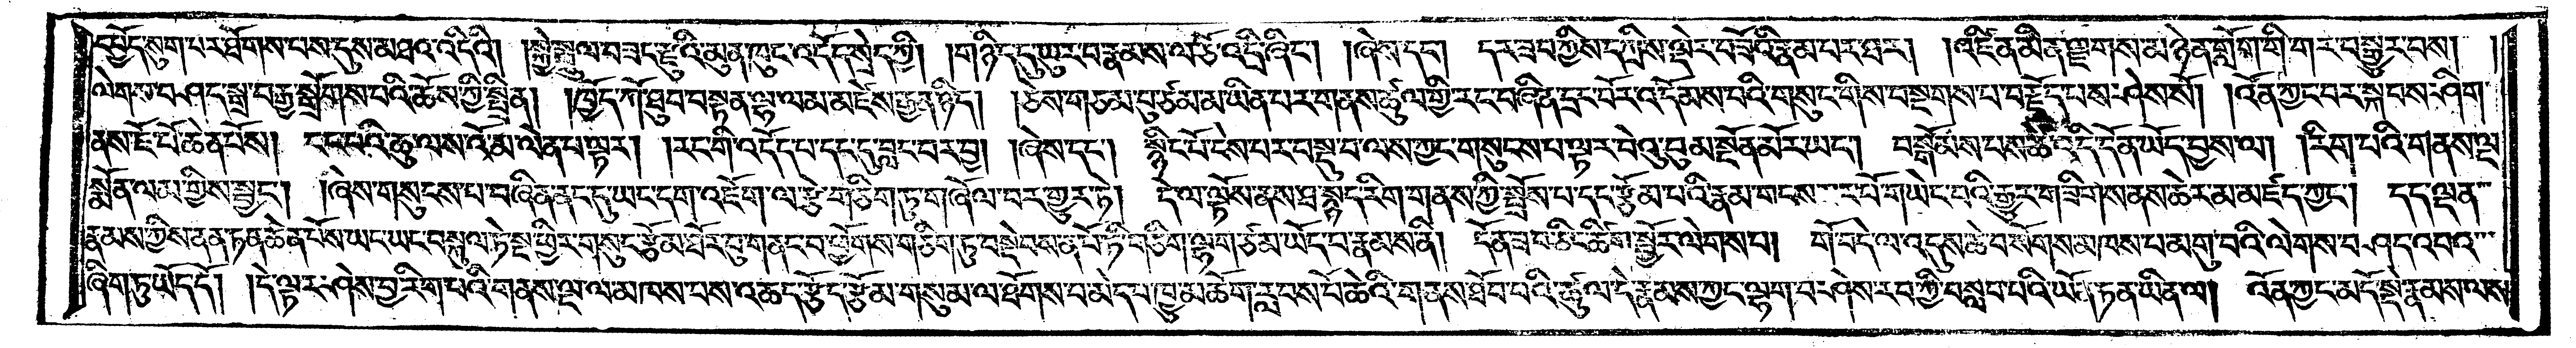དཔྱོད་སུག་པར་ཐོགས་པས་དུས་མཐའ་འདིའི། །སྐྱེ་སྤྲུལ་བཟང་རྫུའི་མུན་ཁུང་འདོད་སྲེད་ཀྱི། །གཉིད་དུ་ཡུར་བ་རྣམས་ལ་ཅོ་འདྲི་ཞིང་། །ཞེས་དང་། དར་ཟབ་ཀྱིས་དཀྲིས་ལྡེར་བཟོའི་རྣམ་པར་ཐར། །འཛིན་མིན་ལྔགས་མཉེན་གློག་གི་གར་བསྒྱུར་བས།
ལེགས་བཤད་སྒྲ་བརྒྱ་སྒྲོགས་པའི་ཆོས་ཀྱི་སྤྲིན། །ཁྱོད་ཀོ་ཐུབ་བསྟན་ལྷ་ལམ་མཛེས་རྒྱན་ཉིད། །ཅེས་གཅམ་བུ་ཙམ་མ་ཡིན་པར་གནས་ཚུལ་གྱི་རང་བཞིན་དྲང་པོར་འདོམས་པའི་གསུང་གིས་བསྔགས་པ་བརྗོད་པས་ཤེས་སོ། །འོན་ཀྱང་བར་སྐབས་ཤིག་
ནས་ཇོ་བོ་ཆེན་པོས། ངང་པའི་ཆུ་ལས་འོ་མ་ལེན་པ་ལྟར། །རང་གི་འདོད་པ་དང་དུ་བླང་བར་བྱ། །ཞེས་དང་། སྙིང་པོ་ངེས་པར་བསྡུ་བ་ལས་ཀྱང་གསུངས་པ་ལྟར་བེའུ་བུམ་སྔོན་མོར་ཡང་། བསྒོམས་པས་ཚེ་འདི་དོན་ཡོད་བྱས་ལ། །རིག་པའི་གནས་ལྔ་
སྨོན་ལམ་གྱིས་སྦྱང་། །ཞེས་གསུངས་པ་བཞིན་ནང་དུ་ཡང་དག་འཇོག་ལ་རྩེ་གཅིག་ཏུ་གཞོལ་བར་གྱུར་ཏེ། དེ་ལ་ལྟོས་ནས་ཐ་སྙད་རིག་གནས་ཀྱི་སྤྲོས་པ་དང་རྩོམ་པའི་རྣམ་གྲངས་མང་པོ་གཡེང་བའི་རྒྱུར་གཟིགས་ནས་ཆེར་མ་མཛད་ཀྱང་། དད་ལྡན་
རྣམས་ཀྱིས་ནན་ཏན་ཆེན་པོས་ཡང་ཡང་བསྐུལ་ཏེ་སྔ་ཕྱིར་གསུང་རྩོམ་ཐོར་བུ་གནང་བ་ཕྱོགས་གཅིག་ཏུ་བསྡེབས་ན་པོ་ཏི་གཅིག་ལྷག་ཙམ་ཡོད་བ་རྣམས་ནི། དོན་ཟབ་ཅིང་ཚིག་སྦྱོར་ལེགས་བ། གོ་བདེ་ལ་འདུས་ཆེ་བ་སོགས་མཁས་པ་མགུ་བའི་ལེགས་བཤད་འབའ་
ཞིག་ཏུ་ཡོད་དོ། །དེ་ལྟར་ཤེས་བྱ་རིག་པའི་གནས་ལྔ་ལ་མཁས་བས་འཆད་རྩོད་རྩོམ་གསུམ་ལ་ཐོགས་པ་མེད་པ་ཁྱུ་མཆོག་རླབས་པོ་ཆེའི་གནས་ཐོབ་པའི་ཚུལ་དེ་རྣམས་ཀྱང་ལྷག་བ་ཤེས་རབ་ཀྱི་བསླབ་པའི་ཡོན་ཏན་ཡིན་ལ། འོན་ཀྱང་མདོ་སྡེ་རྣམས་ལས་